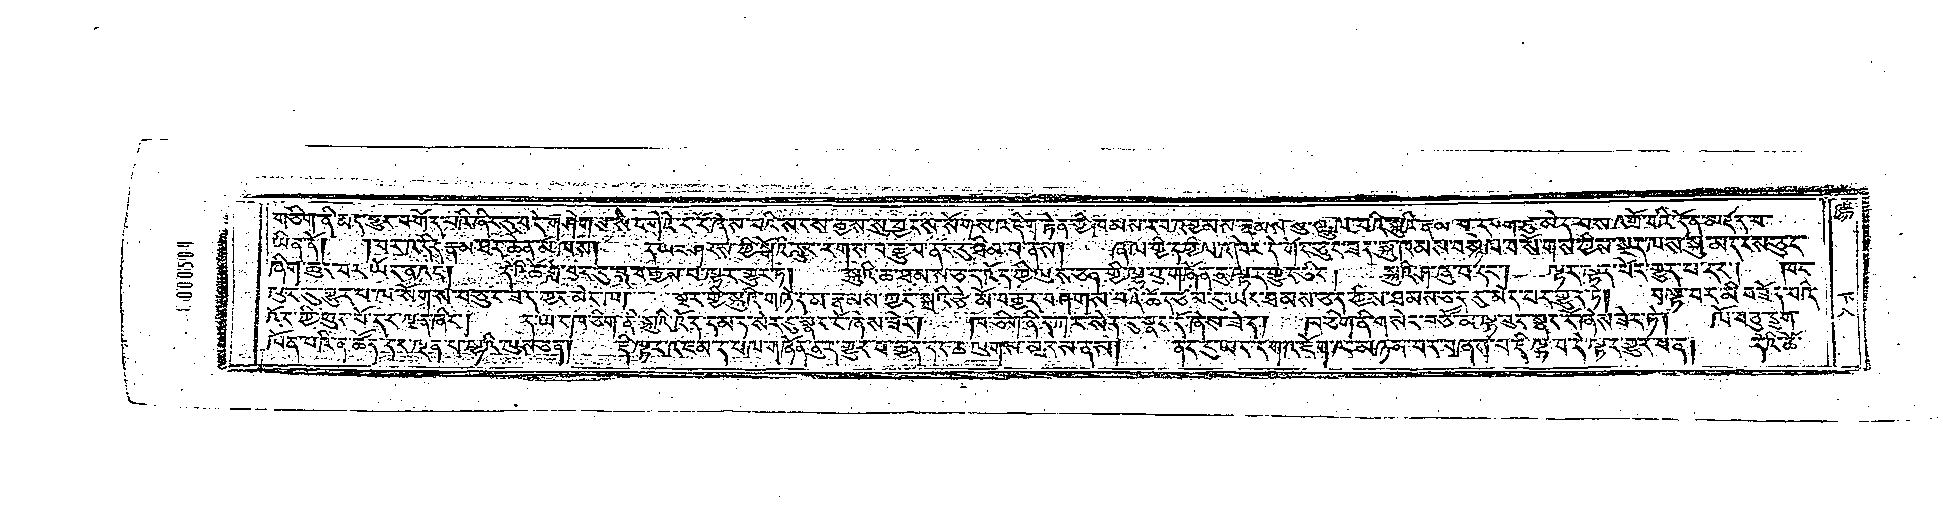གཅིག་ནི་རྨད་བྱུང་བགོད་པའི་ཞིང་དུ་བདེ་གཤེགས་སེང་གེའི་ང་རོ་ཞེས་པའི་སངས་རྒྱས་སུ་བྱངས་སོགས་འཇིག་རྟེན་གྱི་ཁམས་རབ་འབྱམས་རྣམས་སུ་སྤྲུལ་པའི་སྐུའི་རྣམ་པ་དཔག་ཏུ་མེད་པས་འགྲོ་བའི་དོན་མཛད་པ་
ཡིན་ནོ། །པར་འདིར་རྣམ་ཐར་ཆེན་མོ་ལས། དེ་ཡང་ཤངས་ཀྱི་སྒོའི་རླུང་རགས་བ་རྒྱུ་བ་ནང་དུ་ཐིམ་བ་ནས། ཞལ་གྱི་དཀྱིལ་འཁོར་དེ་གོང་ཅུང་ཟད་སྐུ་ཁམས་བསྙེལ་བ་སོགས་ཀྱིས་སྔར་ལས་སྐུ་མདངས་ཅུང་
ཞིག་ཆུད་བར་ཡོད་ནའང་། དེའི་ཚེ་གློ་བུར་དུ་བླ་བ་རྒྱས་པ་ལྟར་གྱུར་ཏེ། སྐུའི་ཆ་ཐམས་ཅད་འོད་ཀྱི་ལུས་ཅན་གྱི་ལྷ་བུ་གཞོན་ནུ་ལྟར་གྱུར་ཅིང་། སྐུའི་ཤ་ཞུ་བ་དང་། ལྟར་ལྟར་པོར་གྱུར་པ་དང་། ཁང་
ལུང་དུ་གྱུར་པ་ལ་སོགས་བ་ཅུང་ཟད་ཀྱང་མེད་ལ། སྔར་གྱི་སྐུའི་གཉེར་མ་རྣམས་ཀྱང་སྐྲའི་རྩེ་མོ་བརྒྱར་བཤགས་པའི་ཆོད་ཙམ་དུ་ཡང་ཐམས་ཅད་ཀྱིས་ཐམས་ཅད་དུ་མེད་པར་གྱུར་ཏེ། བལྟ་བར་མི་བཟོད་པའི་
འོད་ཀྱི་ཕུང་པོ་དང་ལྡན་ཞིང་། ད་ཡང་ཁ་ཅིག་ནི་སྐུའི་འོད་དམར་སེར་དུ་སྣང་ངོ་ཞེས་ཟེར། ཁ་ཅིག་ནི་དཀར་སེར་དུ་སྣང་དོ་ཞེས་ཟེར། ཁ་ཅིག་ནི་གསེར་བཙོ་མ་ལྟ་བུར་སྣང་ངོ་ཞེས་ཟེར་ཏེ། ལོ་བཅུ་དྲུག་
ལོན་པའི་ན་ཚོད་དང་ལྡན་པ་ལྷའི་ལུས་ཅན། ཇི་ལྟར་འཇམ་དཔལ་གཞོན་ནུར་གྱུར་པ་རྒྱན་དང་ཆ་ལུགས་སྤངས་ནས༑ ནང་དུ་ཡང་དག་འཇོག་ལ་མཉམ་པར་བཞག་པ་ཇི་ལྟ་བ་དེ་ལྟར་གྱུར་པ་ན། དེའི་ཚེ་